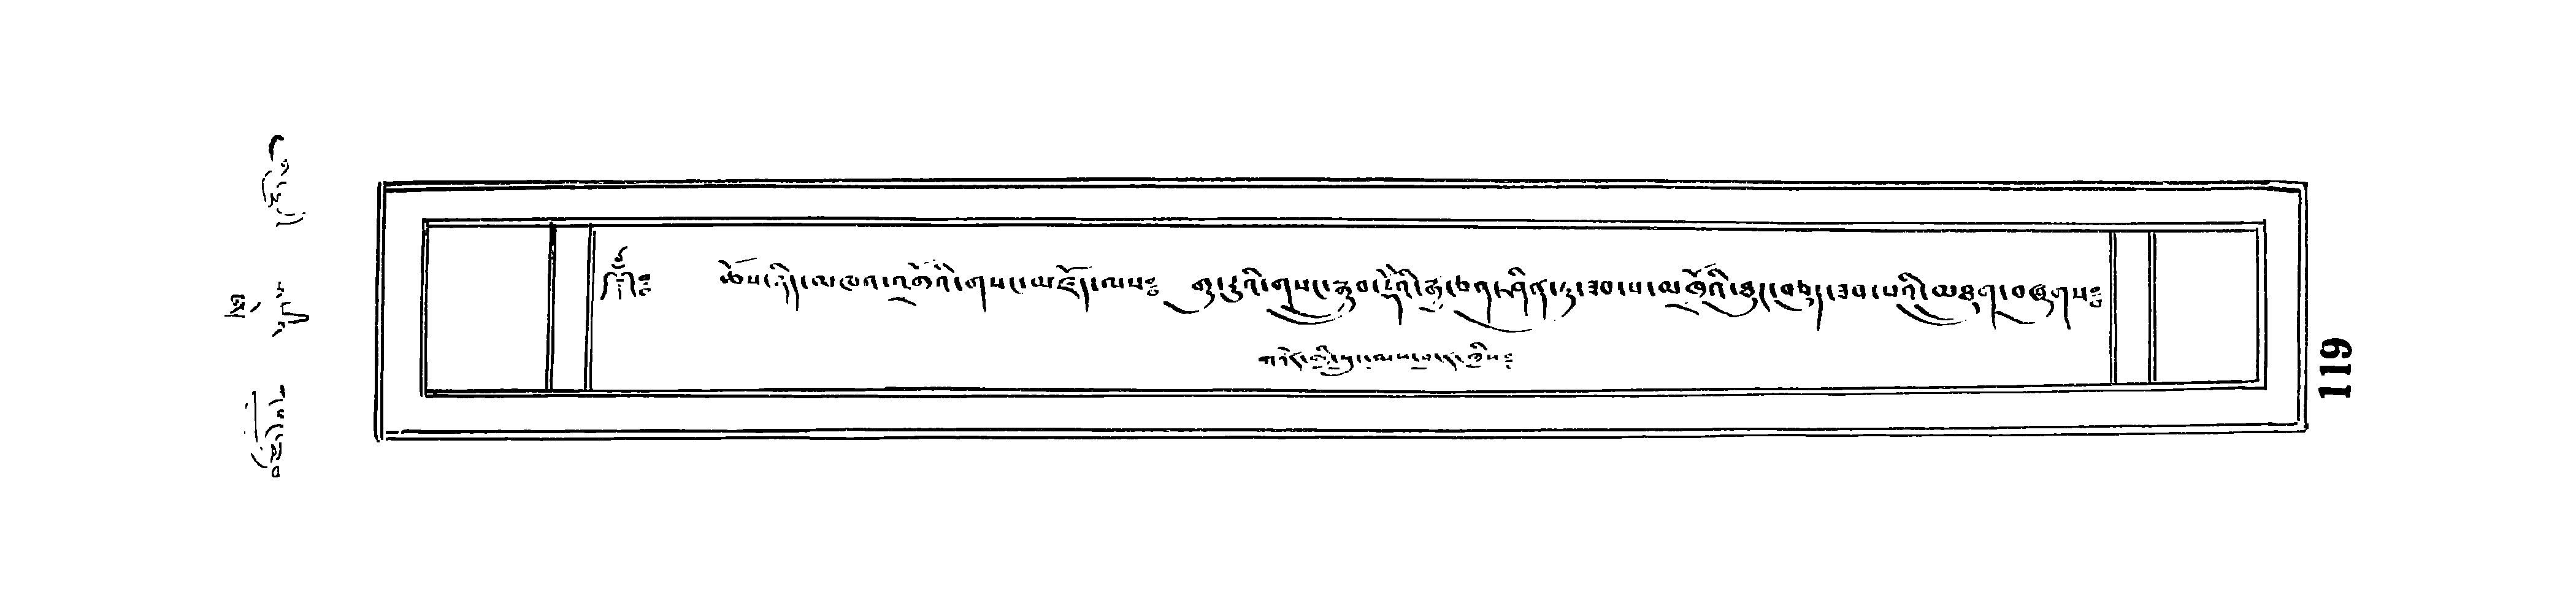ཆོས་ཉིད་མཁའ་འགྲོའི་གསང་མཛོད་ལས༔ གུ་རུའི་གསང་སྒྲུབ་རྡོ་རྗེའི་རྒྱ་ཅན་ཤིན་ཏུ་ཟབ་པ་མཁའ་འགྲོའི་ཐུགས་བཅུད་ཟབ་པའི་མཐར་ཐུག་བཞུགས༔ 
 གཏེར་གྱི་སྲུང་མས་བྱ་ར་གྱིས༔